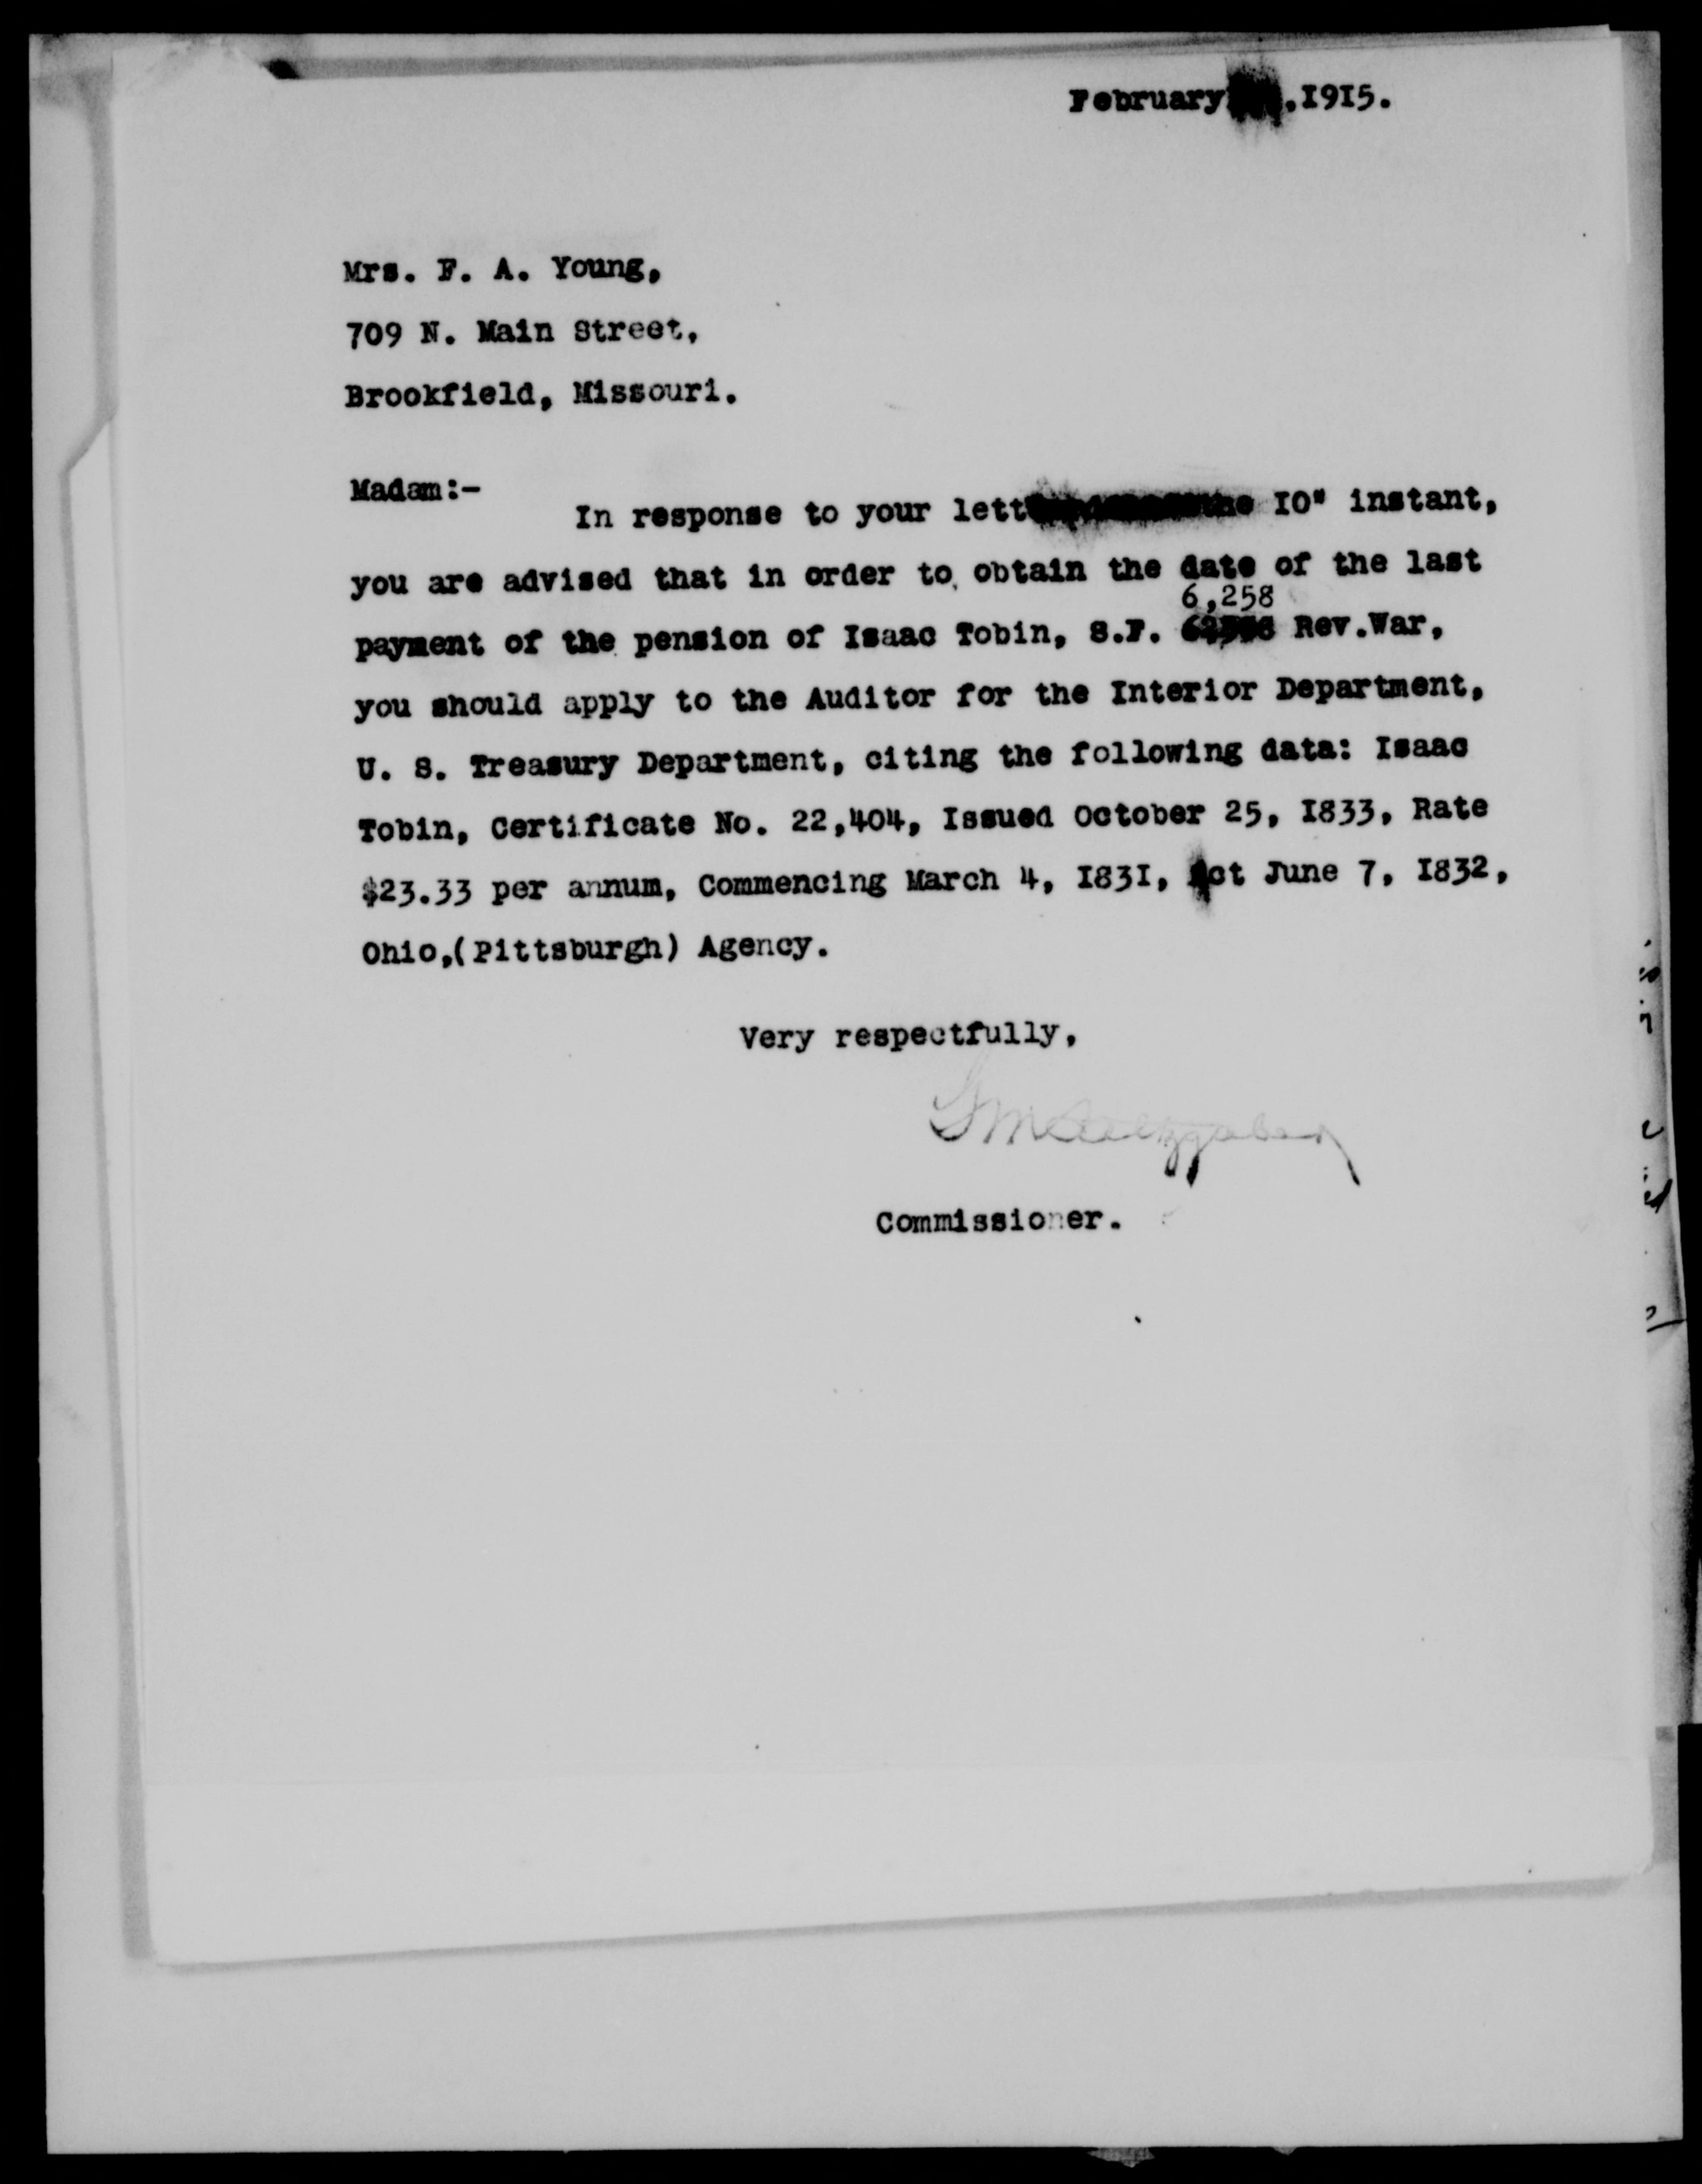February, 1915.
Mrs. F. A. Young,
709 N. Main Street,
Brookfield, Missouri.

Madam:-
In response to your lett 10th instant, you are advised that in order to obtain the date of the last payment of the pension of Isaac Tobin, S.F. 6,258 Rev. War, you should apply to the Auditor for the Interior Department, U.S. Treasury Department, citing the following data: Isaac Tobin, Certificate No. 22,404, Issued October 25, 1833, Rate $23.33 per annum, Commencing March 4, 1831, Act June 7, 1832, Ohio, (Pittsburgh) Agency.
Very respectfully
[illegible]
Commissioner.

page: 12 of 25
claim: survivor's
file: S. 6258, for Isaac Tobin, New Jersey